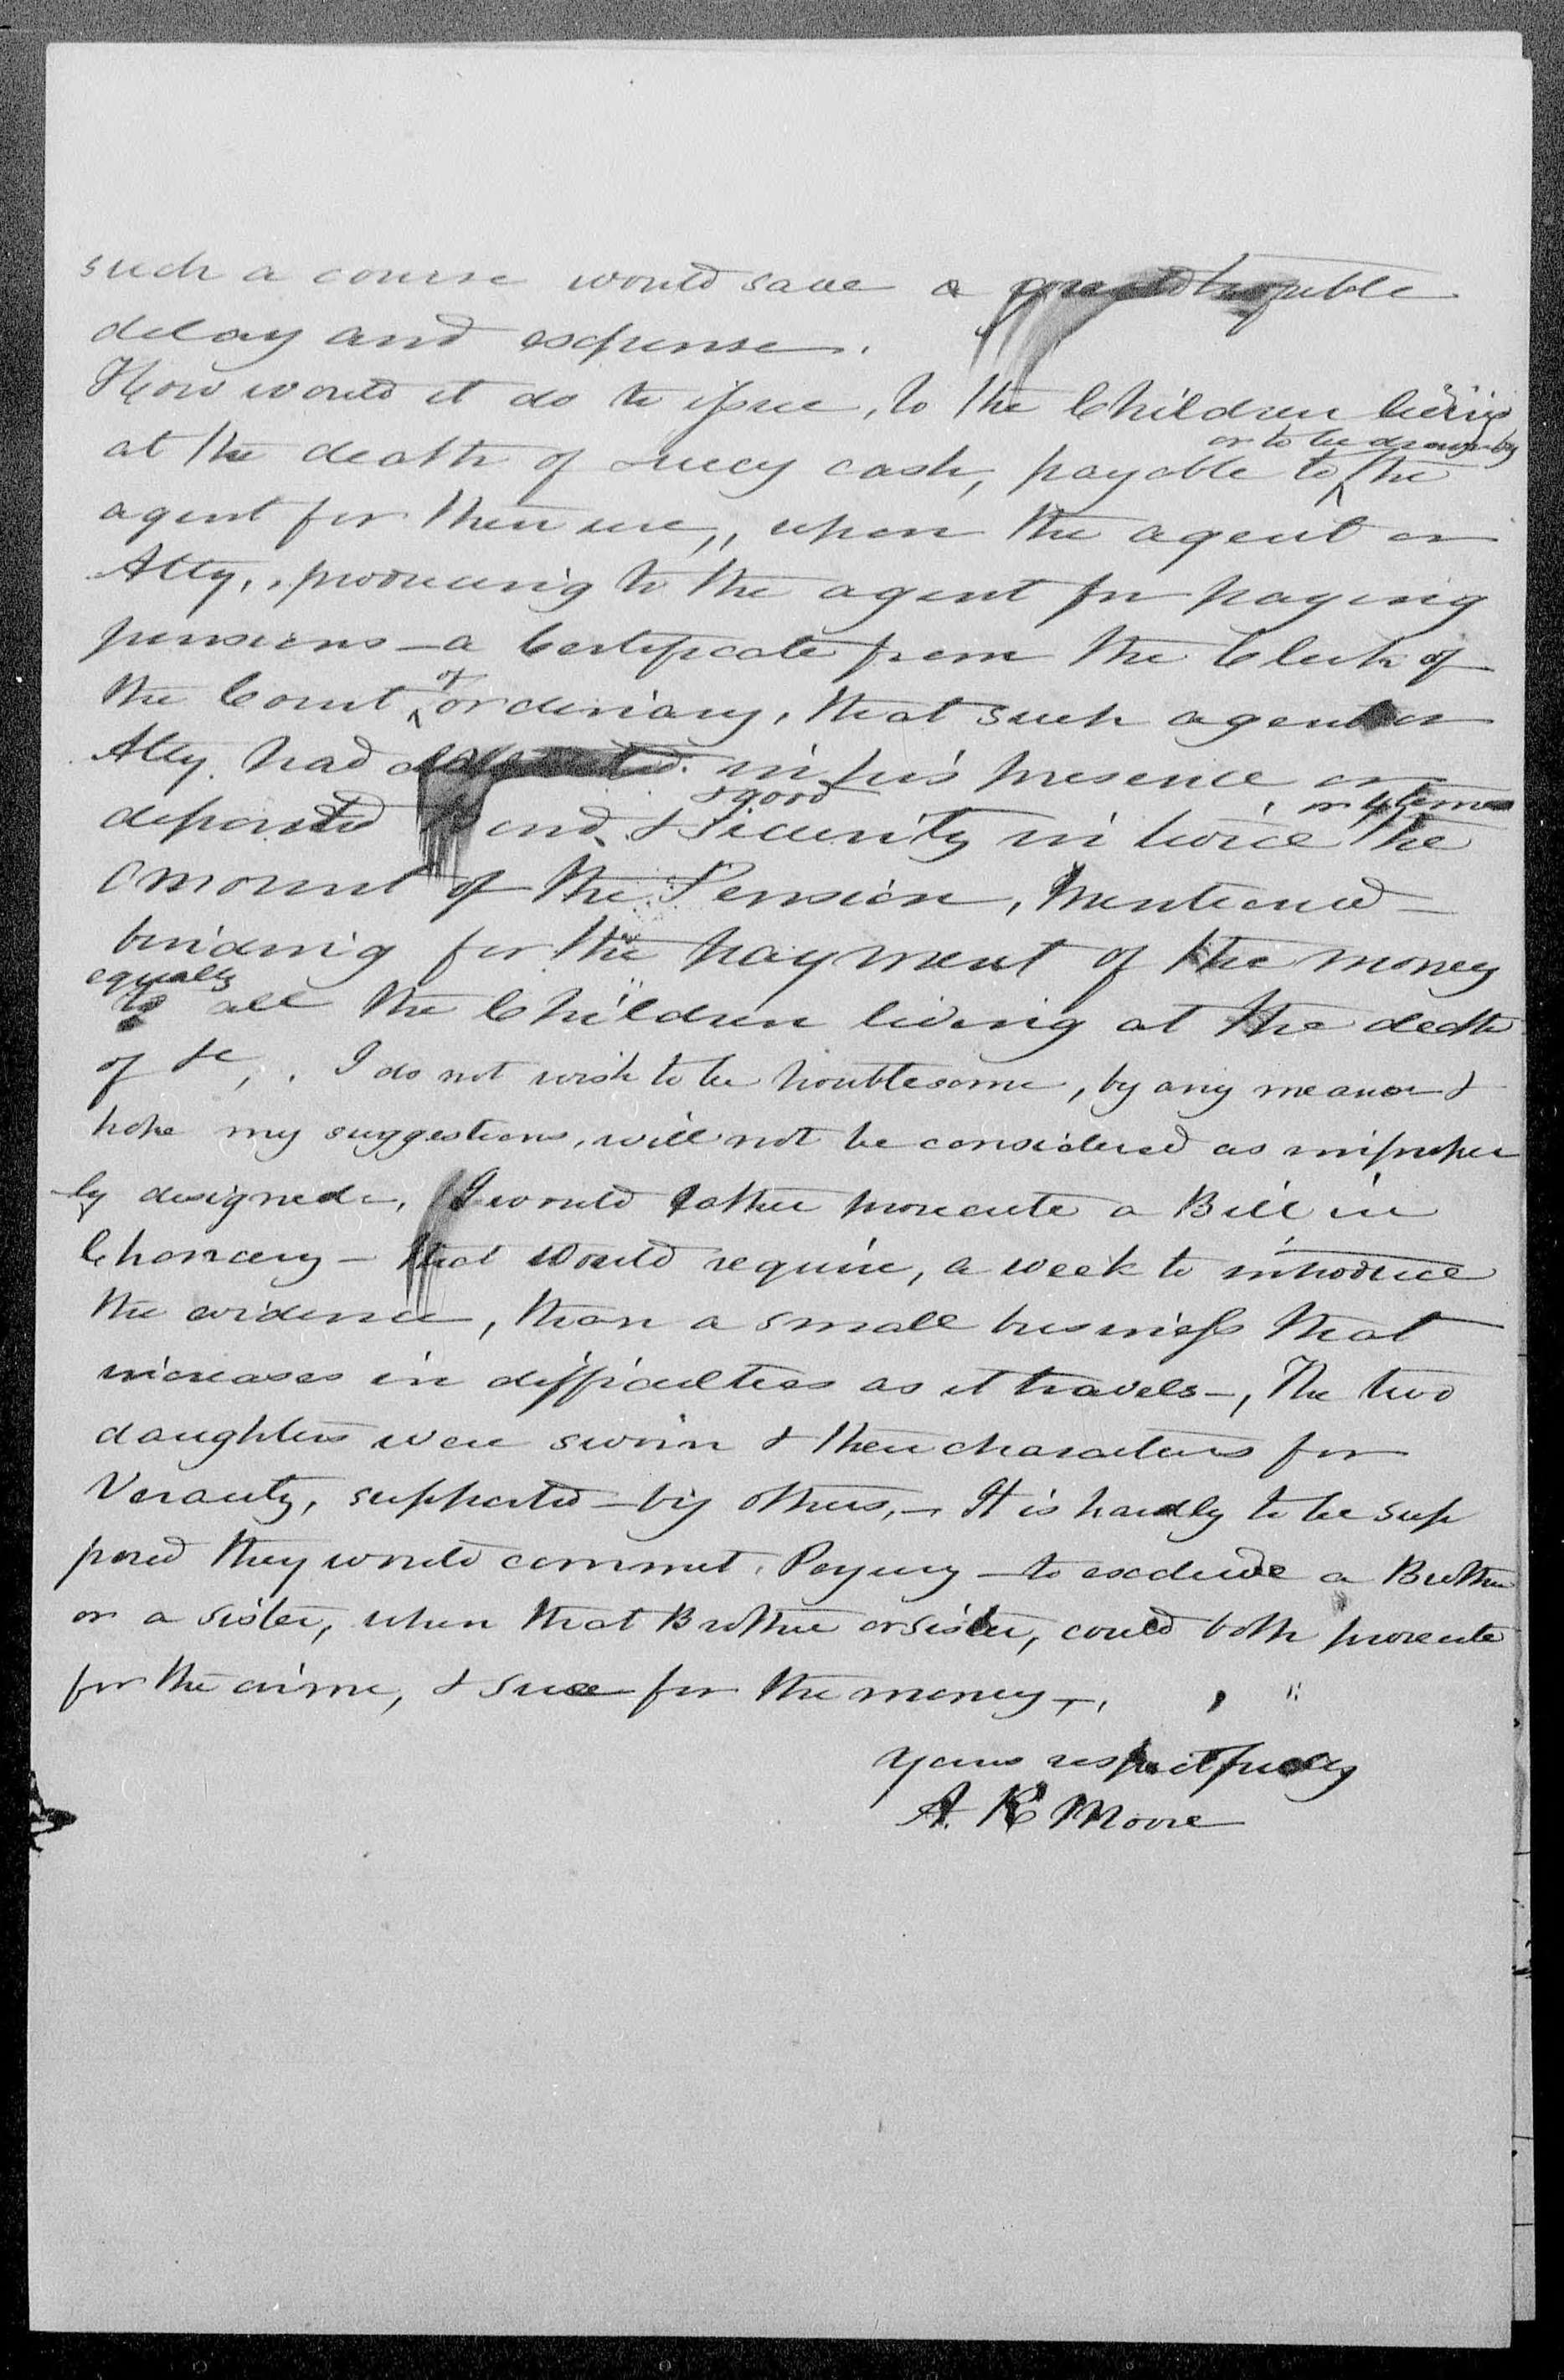such a course would save trouble
delay and expense. How would it do to issue, to the children living
at the death of Lucy Cash, payable to the agent for their use, upon the agent or Atty, proving to the agent for paying pensions a Certificate from the Clerk of the Court or Ordinary that such agent or Atty had in his presence of deposited to end and & Security in twice the amount of the pension mentioned, binding for the payment of the money to all the children living at the death of Lucy.
 I do not wish to be troublesome, by any means & hope my suggestions, will not be considered as improper
by design, would rather prosecute a Bill in Chancery - that would require, a week to introduce the evidence, than a small business that increases in difficulties as it travels. The two
daughters were sworn & their character for veracity, supported by others. It is hardly to be supposed they would commit Paying-- to exclude a brother or a sister, when that brother or sister, could both prosecute for the time, & sue for the money.
Yours respectfully
A R Moore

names: A R Moore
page: 64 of 73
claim: widow's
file: W. 5,894, John Cash, Va.